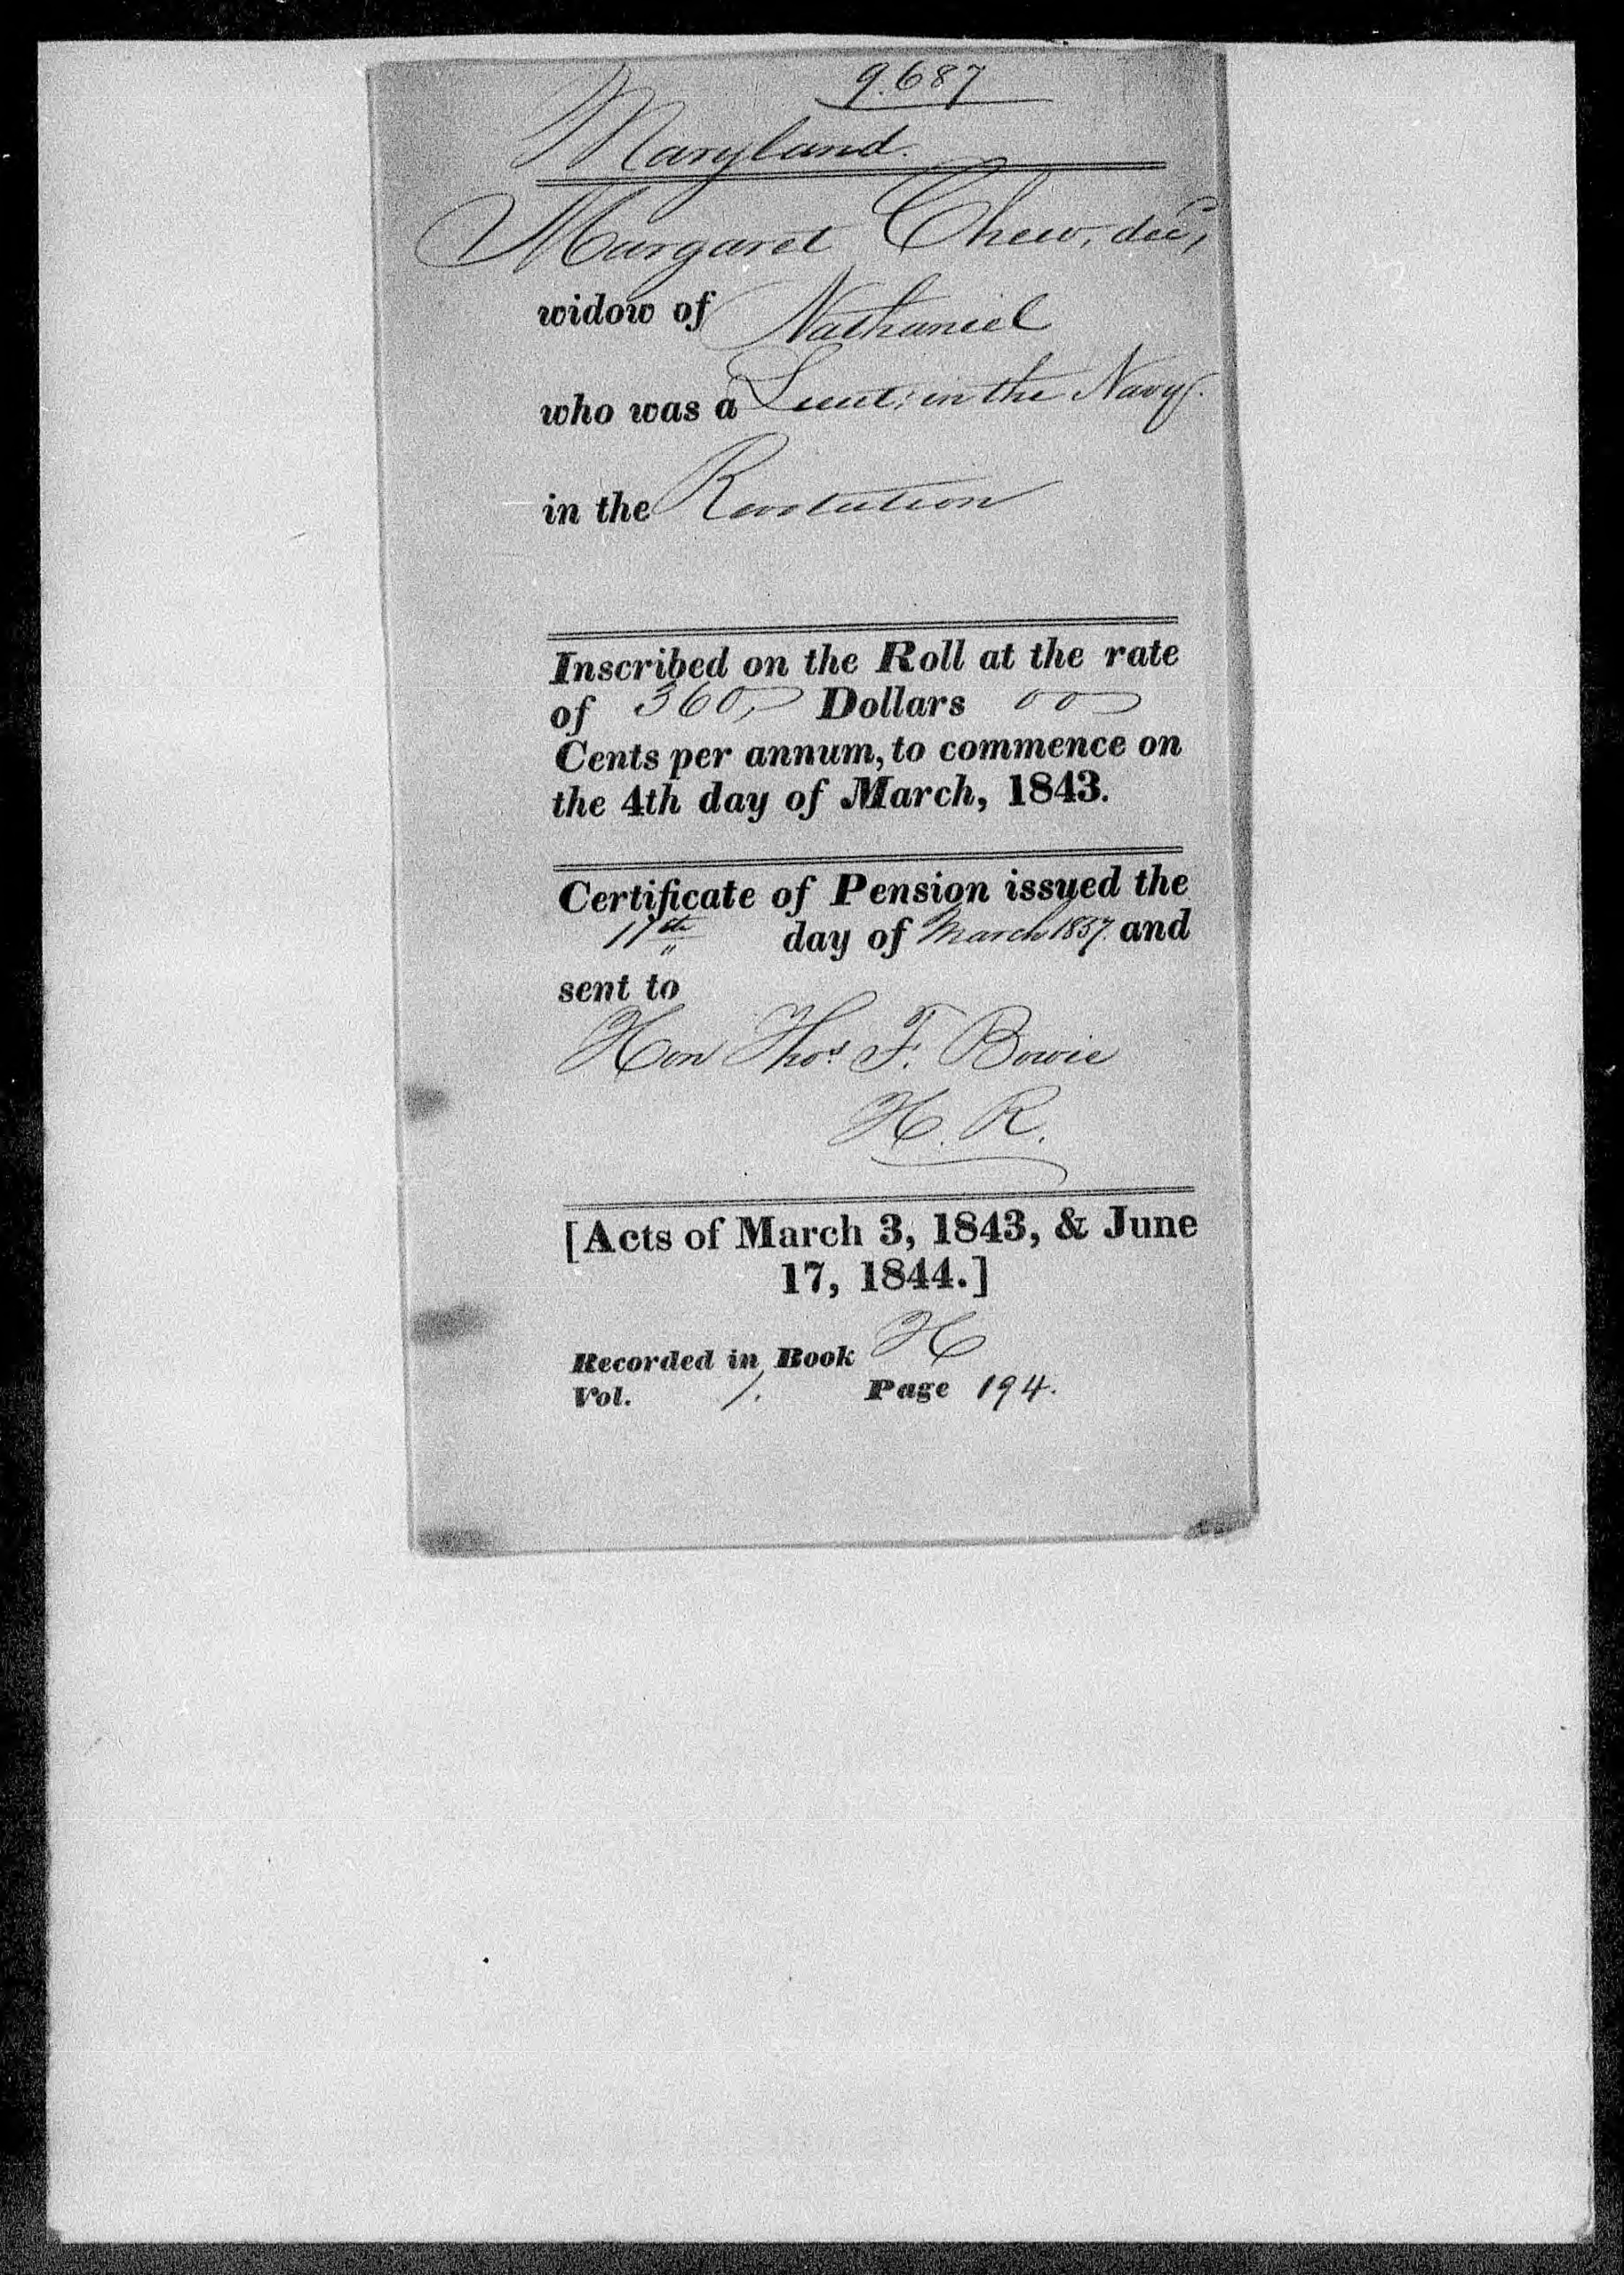9687

Maryland

Margaret Chew, decd.
widow of Nathaniel
who was a Lieut. in the Navy
in the Revolution

Inscribed on the Roll at the rate
of 360 Dollars 00
Cents per annum, to commence on
the 4th day of March, 1843.

Certificate of Pension issued the
11th day of March 1857 and
sent to
Hon Thos. F. Bowie.
H. R.

[ Acts of March 3, 1843, & June
17, 1844. ]

Recorded in Book H
Vol. 1 Page 194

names: Thos F Bowie, Nathaniel Chew, Margaret Chew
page: 52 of 59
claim: widow's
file: W. 9383, Nathaniel Chew, Navy (Md.)